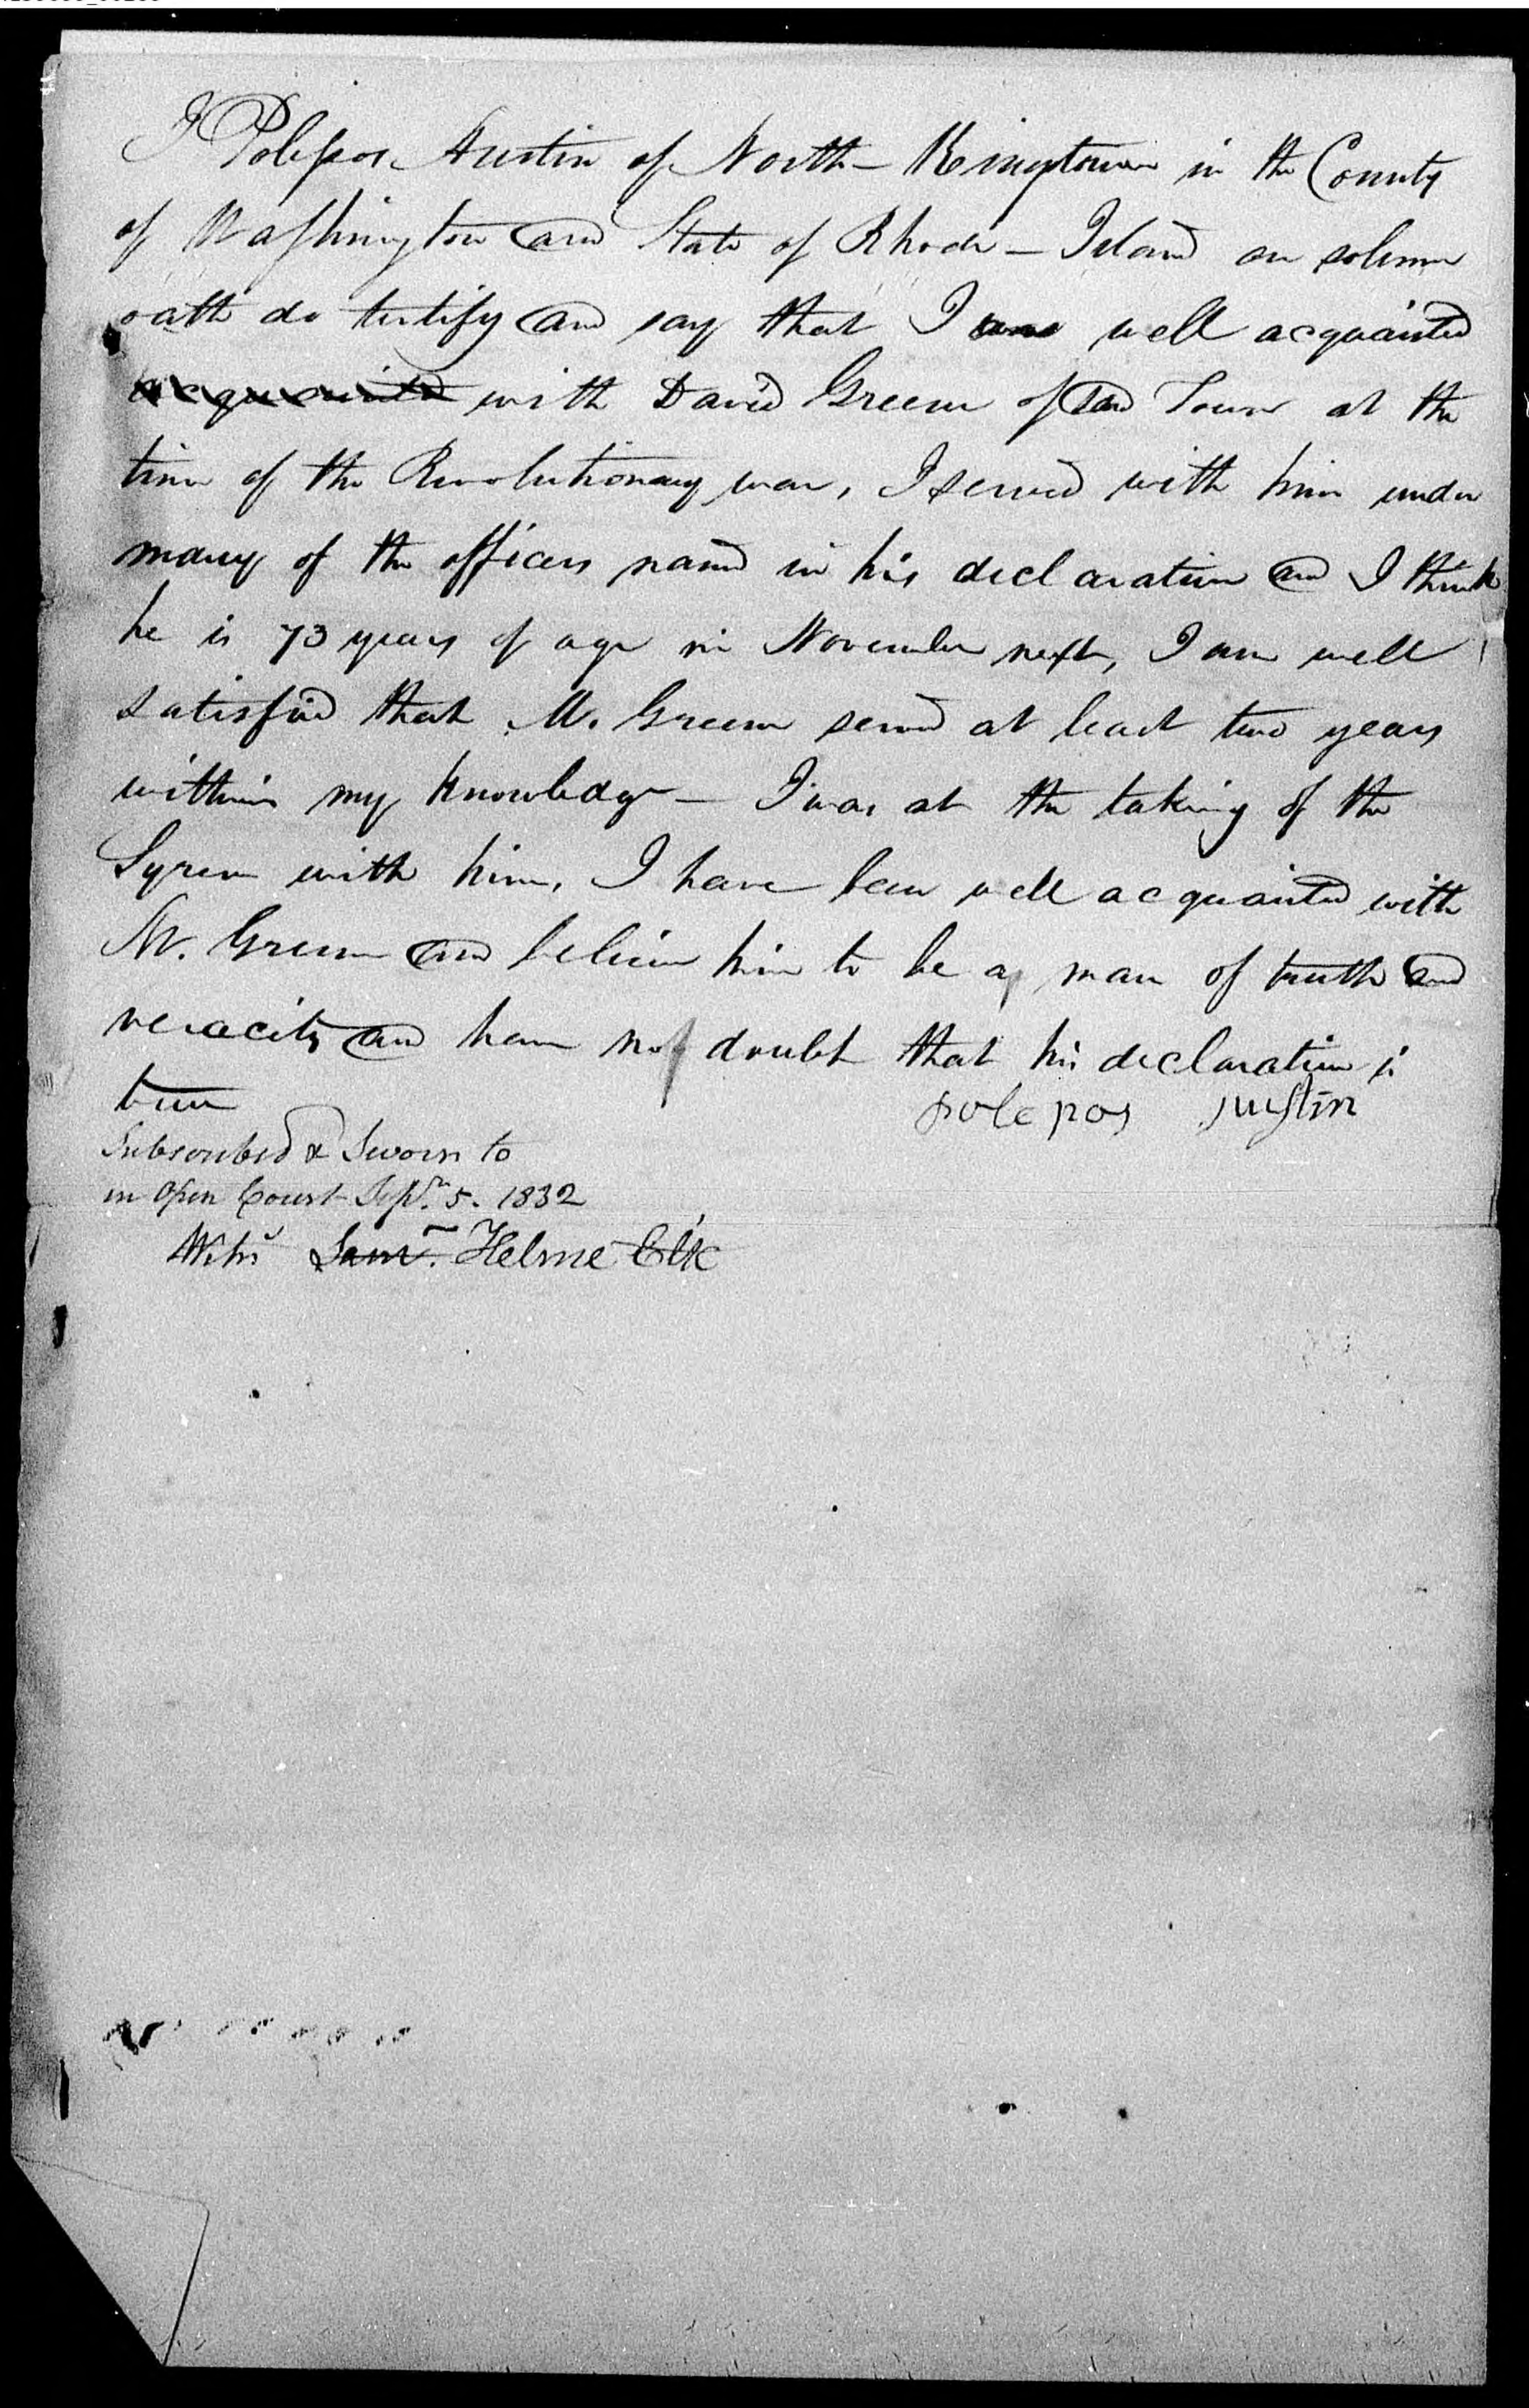I Polepos Austin of North Kingstown in the County of Washington and the State of Rhode - Island on solemn oath do testify and say that I was well acquainted [crossed out] with David Greene of said town at the time of the Revolutionary War, I served with him under many of the officers named in his declaration and I think he is 73 years in November next, I am well satisfied that Mr. Greene served at least two years within my knowledge - I was at the taking of [illegible] with him, I have been well acquainted with Mr. Greene and believe him to be a man of truth and veracity and have no doubt that his declaration is true
[signed] Polepos Austin [/signed]

Subscribed & Sworn to
in open Court Apr. 5. 1832
[signed] Wlm Sam Helme [/signed] [illegible]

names: Greem, David Greem, Polepos Austin, Sam Helme, Greem, Polepos Austin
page: 6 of 27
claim: survivor's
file: S. 21,245, David Greene, R.I.